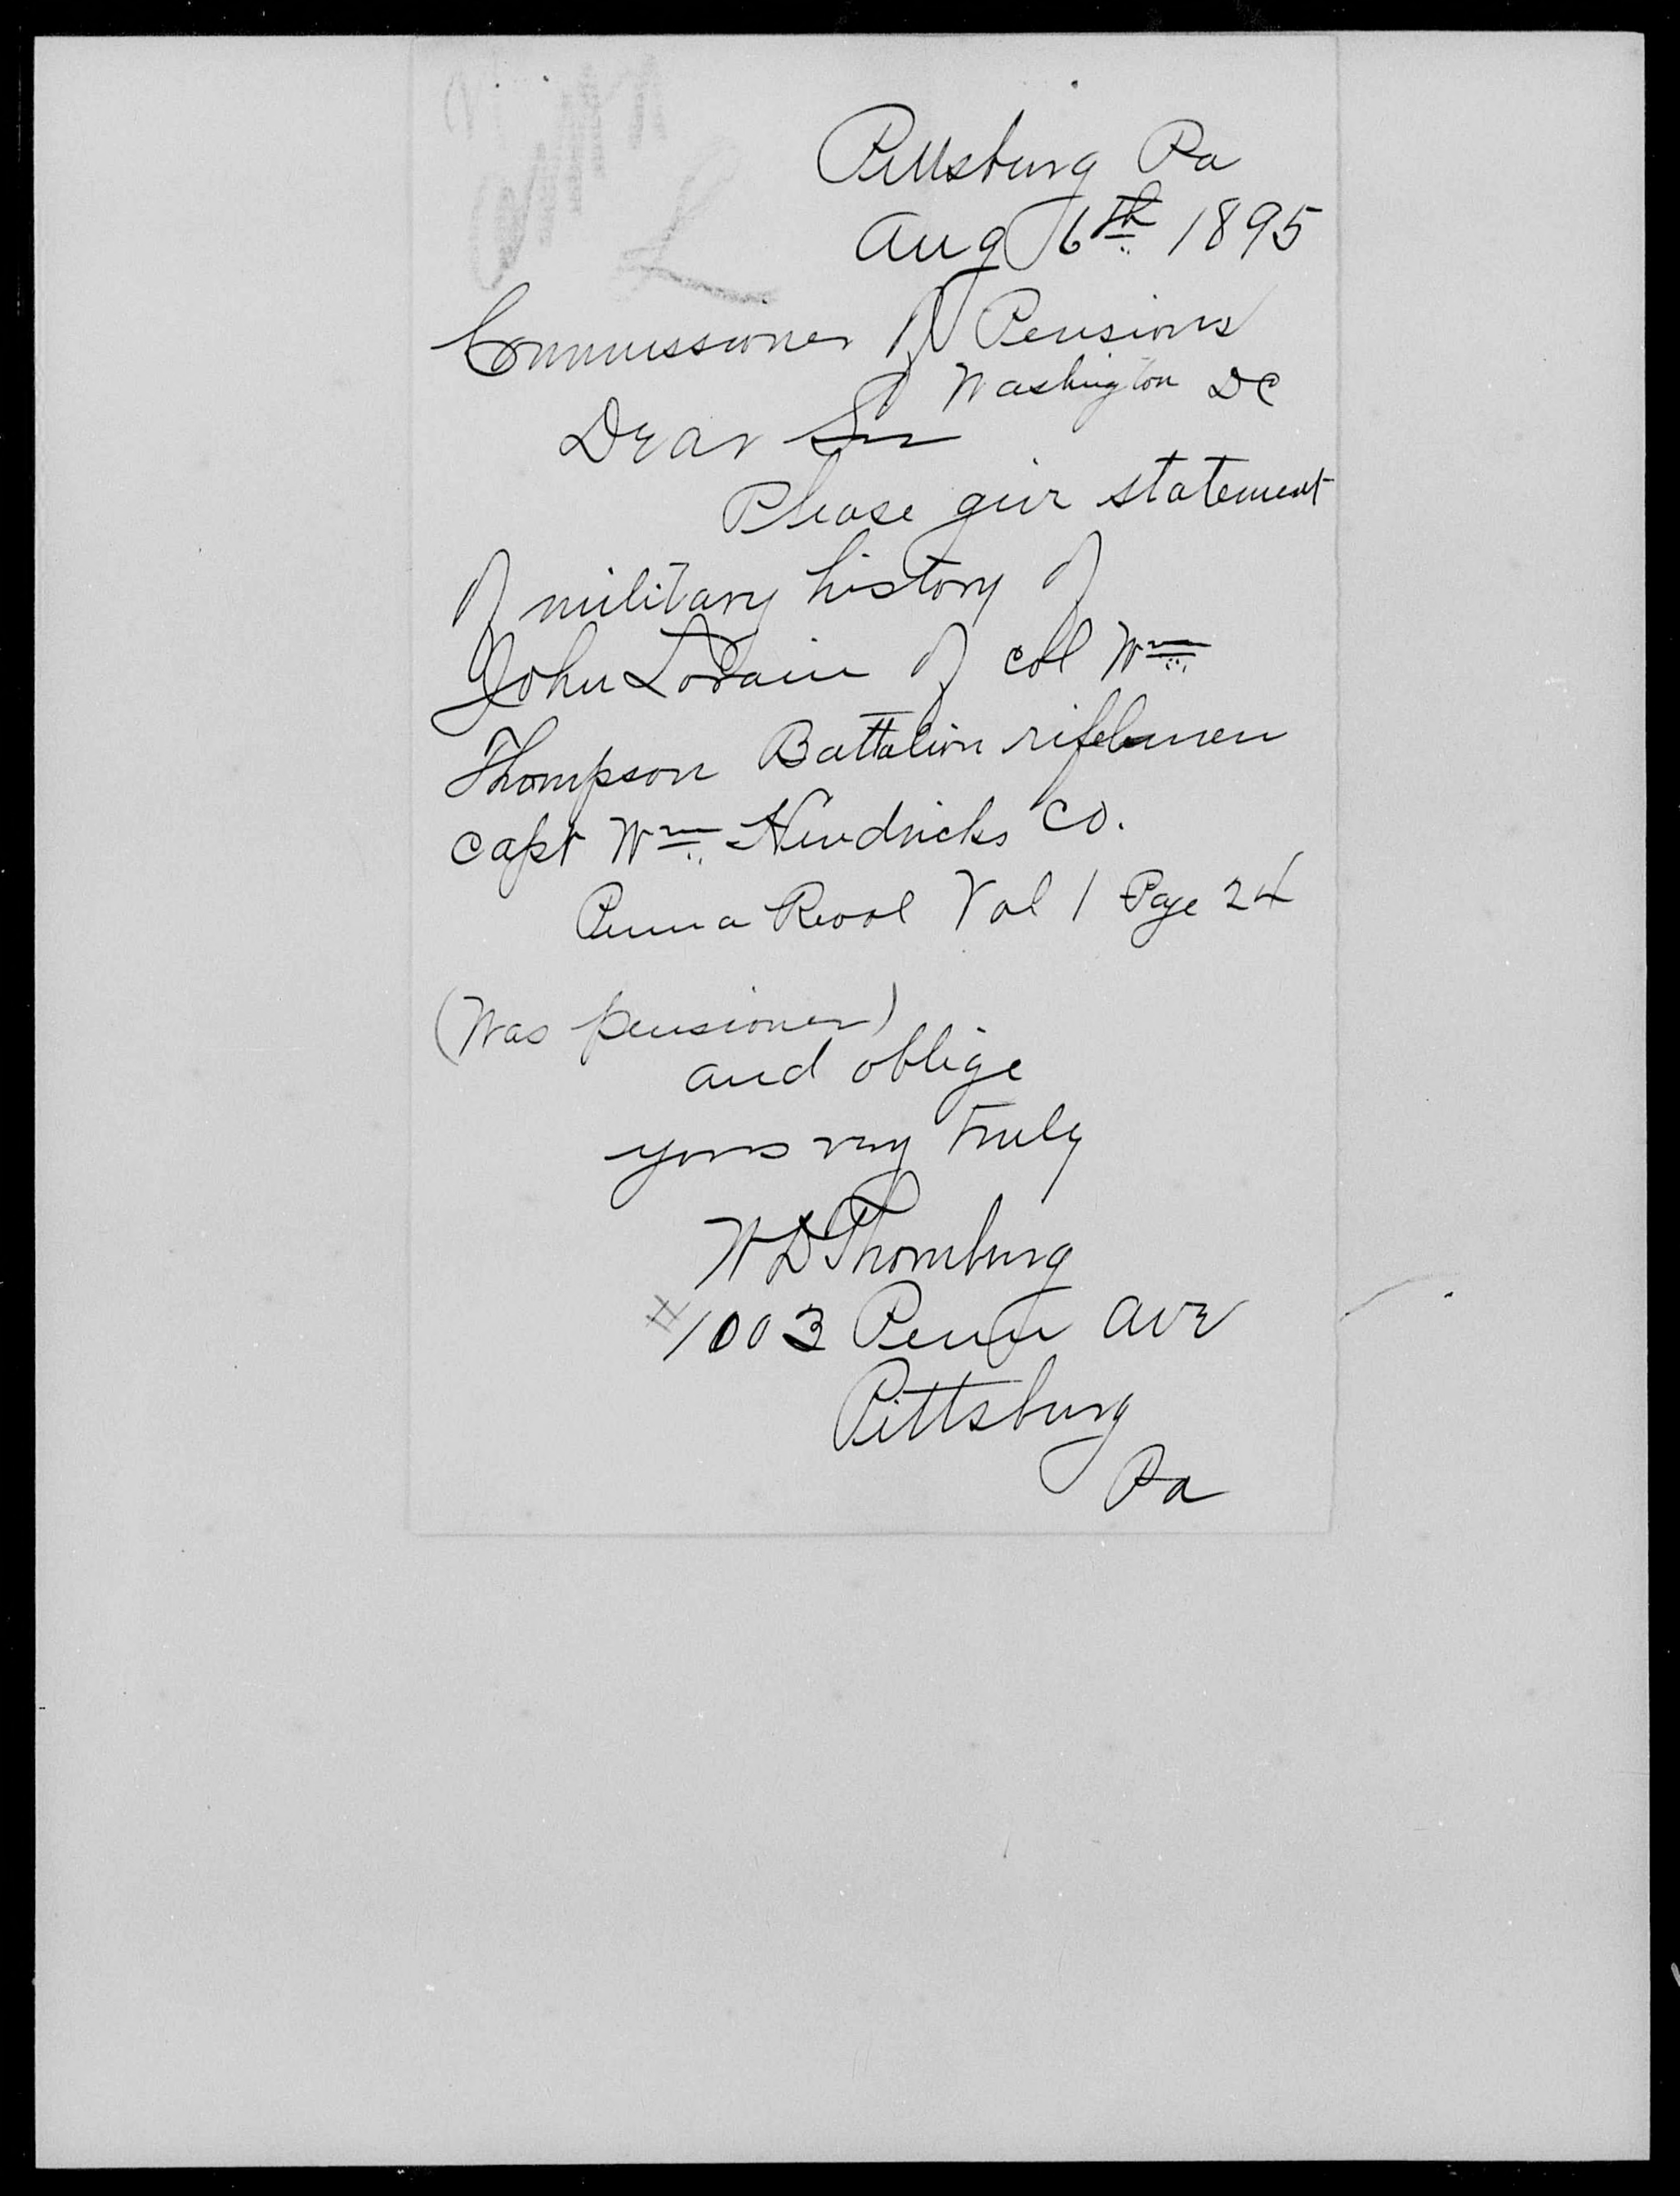Pittsburg Pa
                                      Aug 6th 1895

Commissioner of Pensions
 Washington, DC

Dear Sir

     Please give statement of military history of John Loraine of Col Wm Thompson Battalion riflemen
Capt. W. Hendricks Co.

Penna Rev Vol 1 Page 24
(was pensioner)
and oblige
                                        Yours very truly
                                         W D Thomburg
                                         #1003 Penn Ave
                                          Pittsburg Pa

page: 20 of 21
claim: survivor's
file: S. 40,098, for John Lorain, Pennsylvania